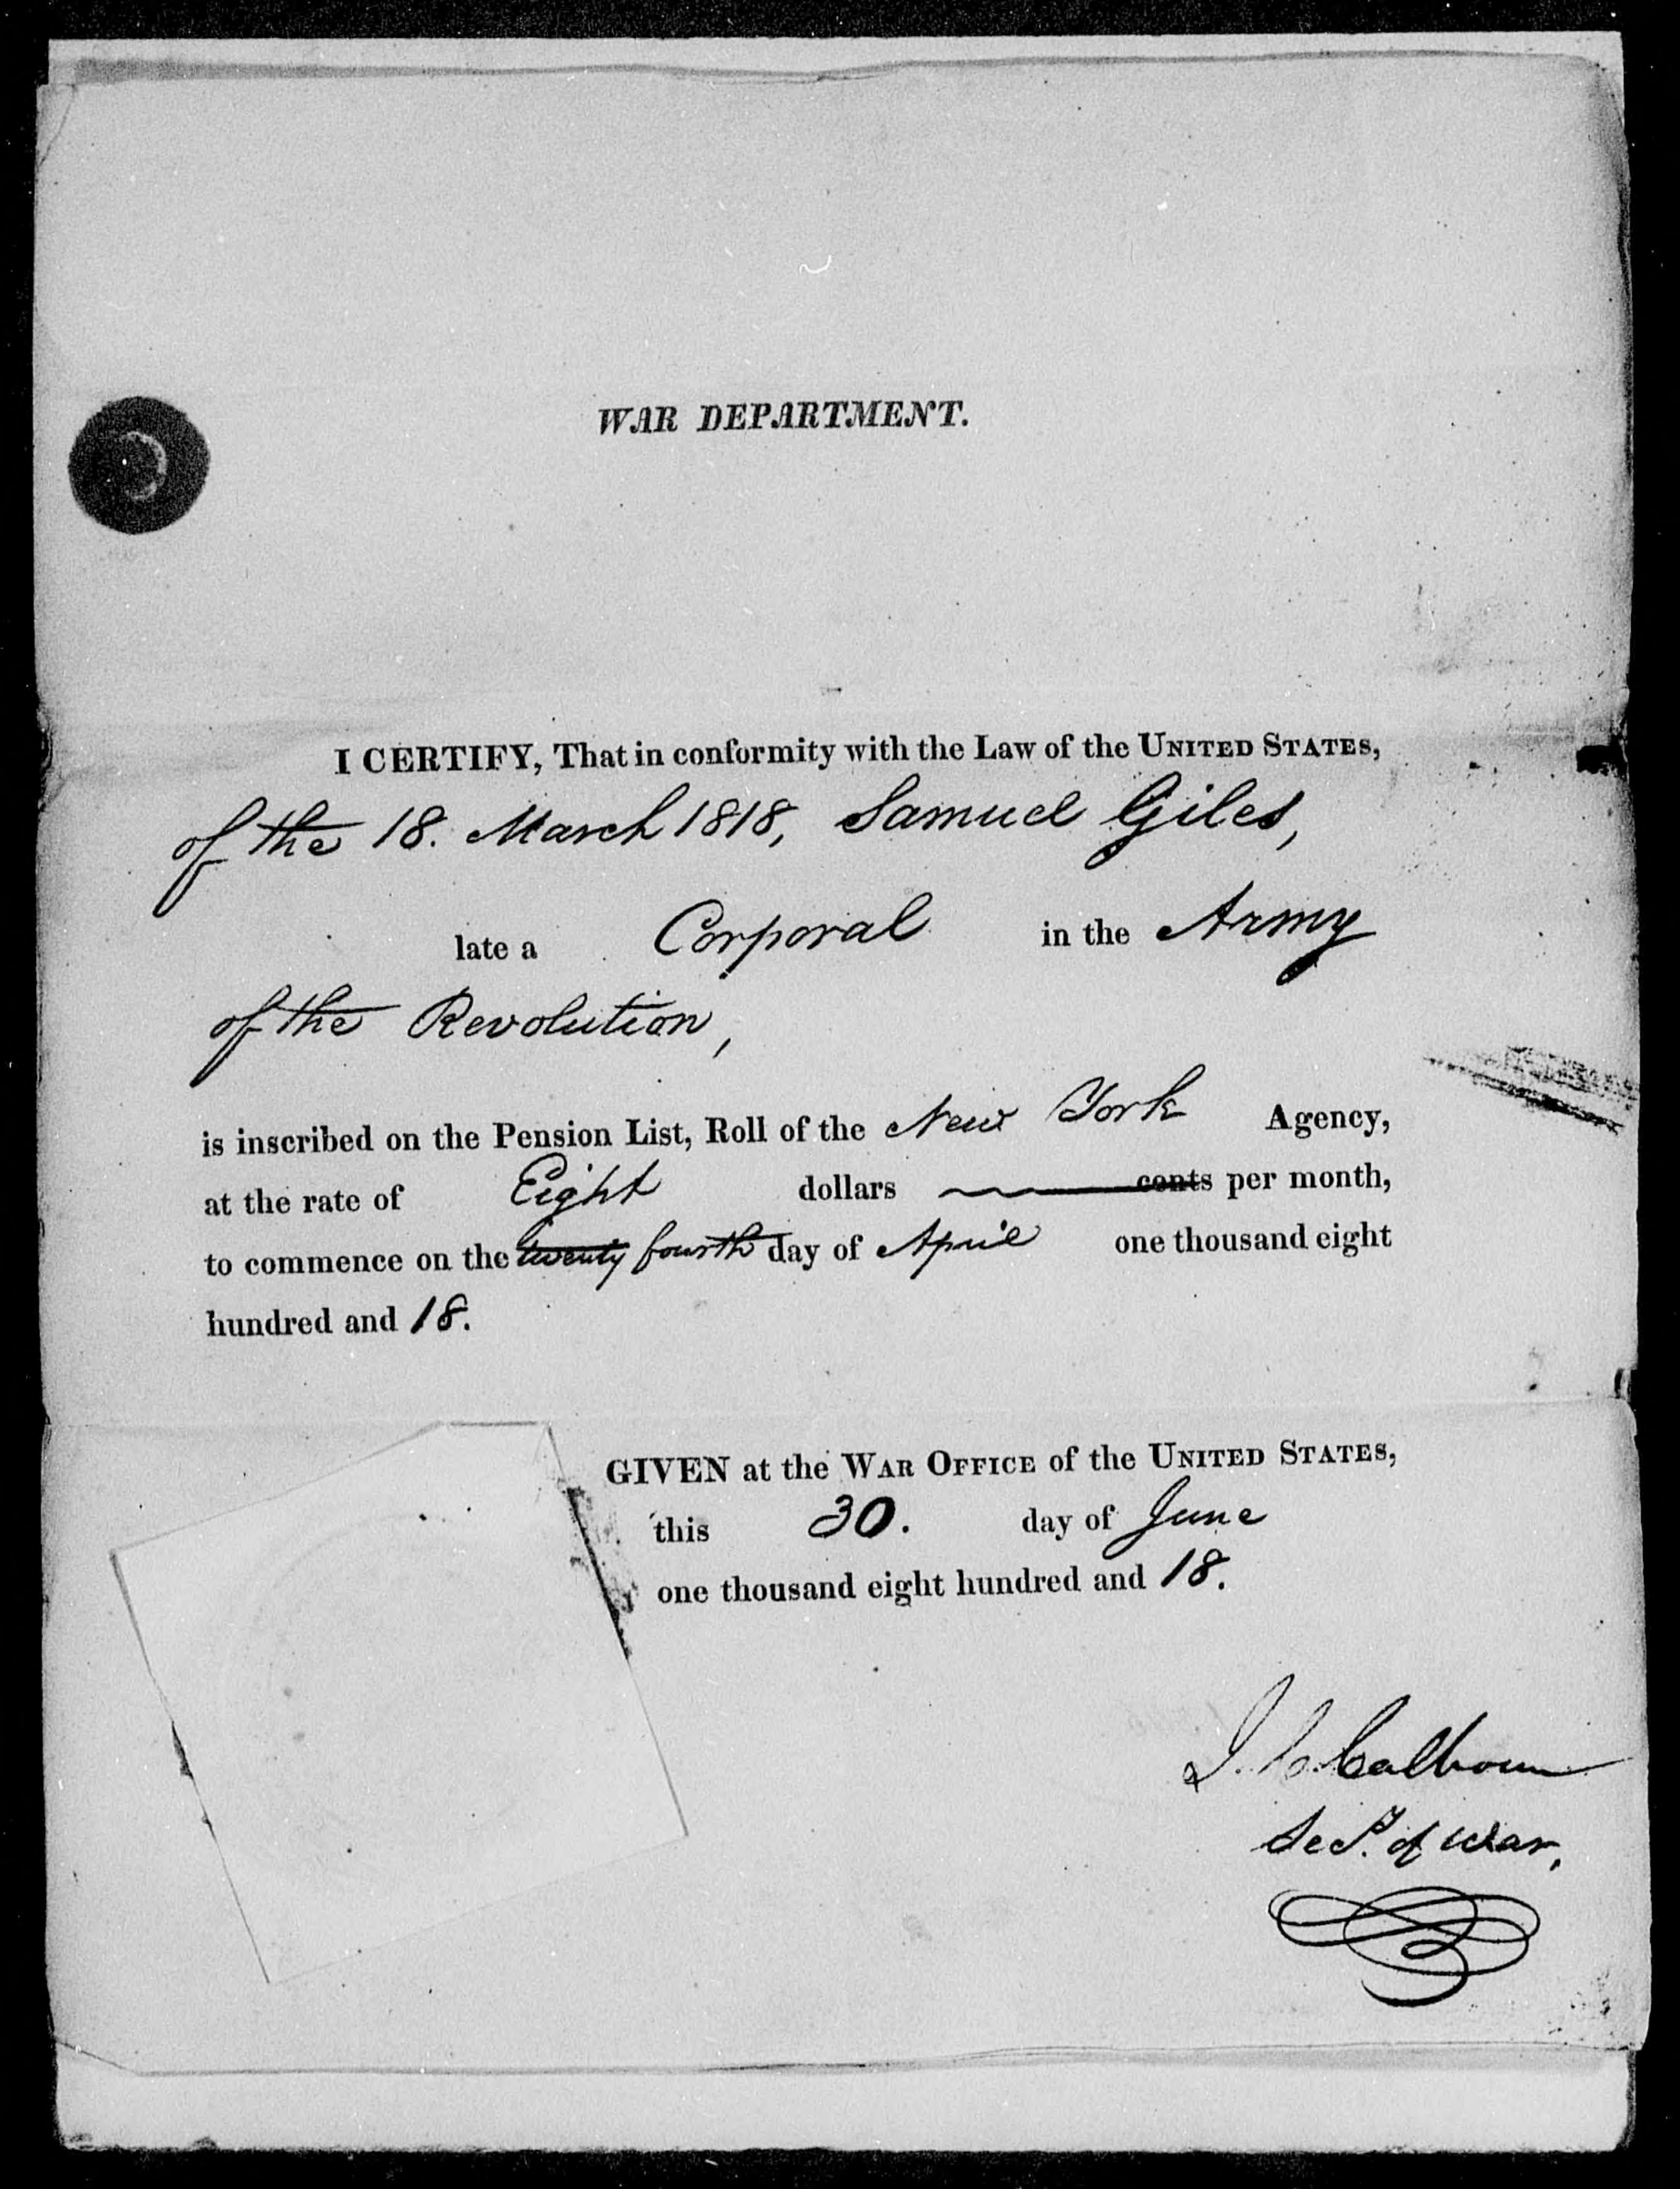WAR DEPARTMENT.

I CERTIFY, That in conformity with the Law of the UNITED STATES of the 18 March 1818, Samuel Giles, late a Corporal in the Army of the Revolution, is inscribed on the Pension List, Roll of the New York Agency, at the rate of Eight dollars per month, to commence on the twenty fourth day of April one thousand eight hundred and 18.

GIVEN at the WAR OFFICE of the UNITED STATES, this 30. day of June one thousand eight hundred and 18.

J. C. Calhoun
Sec. of War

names: J C Calhoun, Samuel Giles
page: 48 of 55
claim: widow's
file: W. 19503, Samuel Giles, Conti. Mass. New York